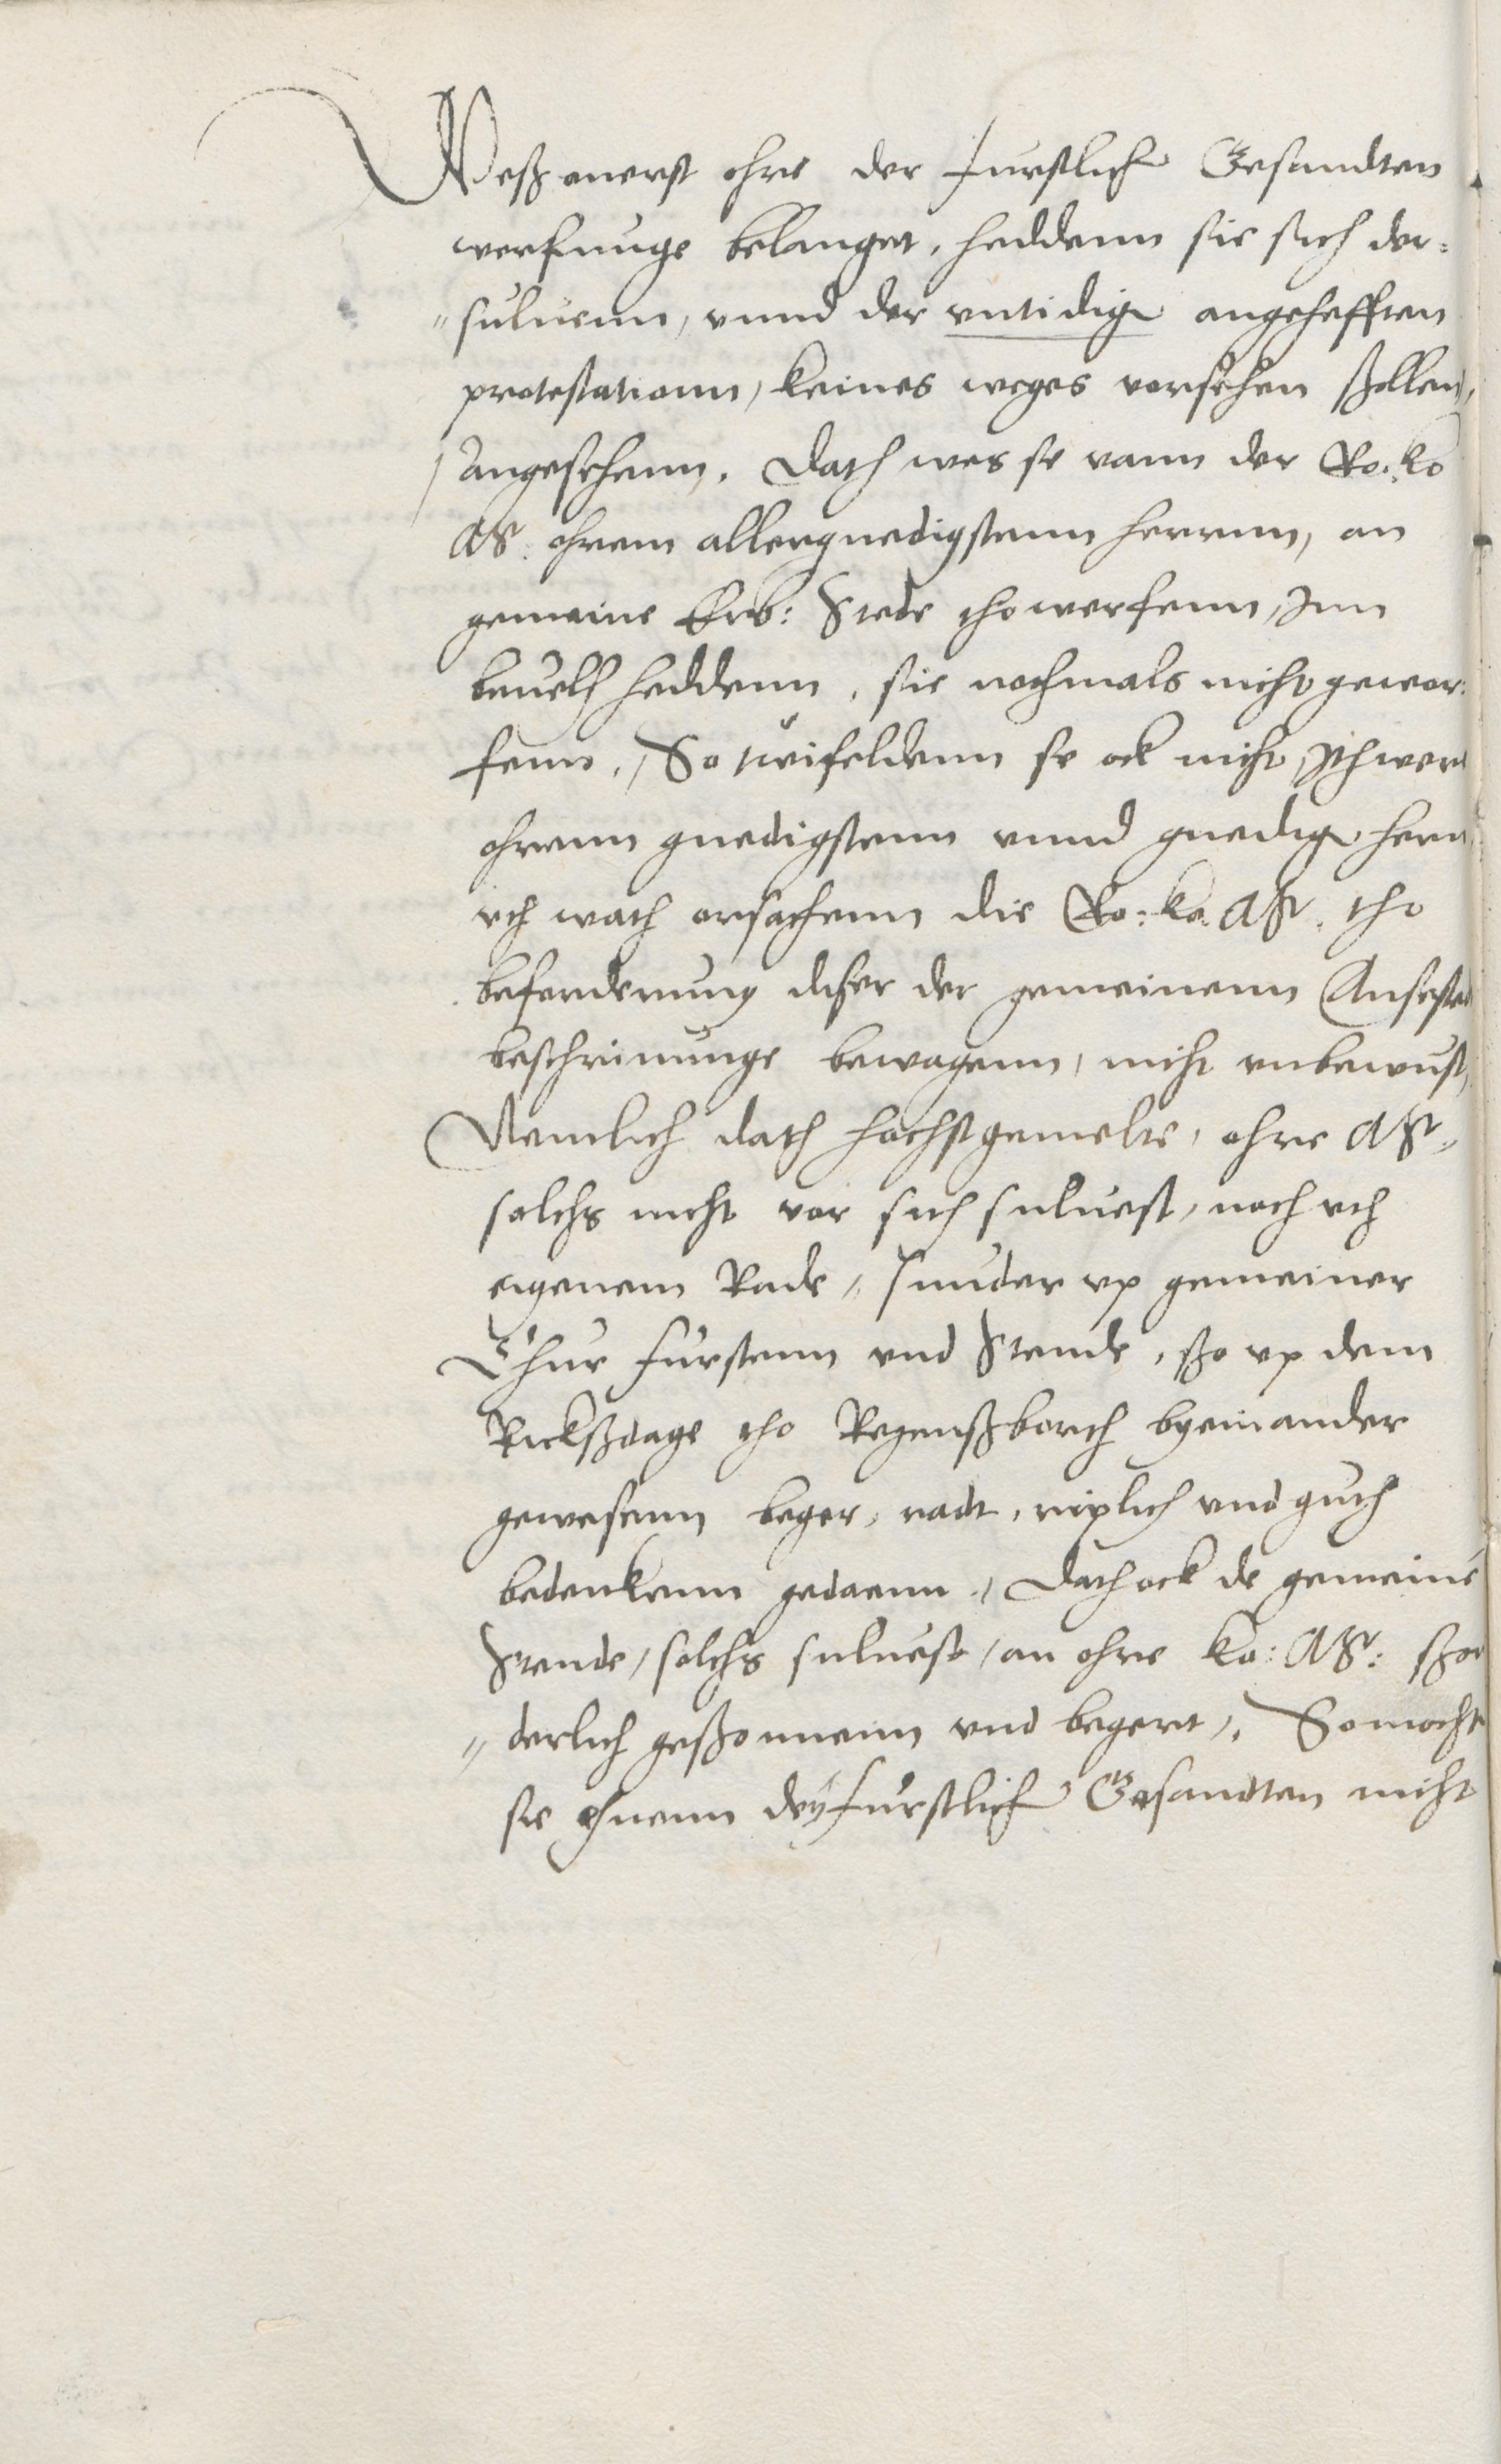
Weß auerst ohre der Furstlichen Gesandten
werfunge belanget, heddenn sie sich der¬
suluenn, vnnd der vntidigen angehefften
protestationn, keines weges vorsehen ßollen,
angesehenn. Dath wes se vann der Ro: Ko:
Mt: ohrem allergnedigstenn herrnn, an
gemeine Erb: Stede tho werfenn, jnn
beuelh heddenn, sie nochmals nicht gewor¬
fenn, So twifeldenn se ock nicht jth were
ohrenn gnedigstenn vnnd gnedigen hern
vth wath orsachenn die Ro: Ko: Mt: tho
beforderung diser der gemeinenn Ansested
beschriunnge bewagenn, nicht vnbewust,
Nemlich dath hochstgemelte, ohre Mt
solchs nicht vor sich suluest, noch vth
eigenem Rade, sunder vp gemeiner
Chur Furstenn vnd Stende, ßo vp dem
Rickßdage tho Regenßborch byeinander
gewesenn beger, radt, riplich vnd guth
bedenkenn gedaenn, Dath ock de gemeinen
Stende, solchs suluest, an ohre Ko: Mt: ßon
derlich geßonnenn vnd begert, So mochten
sie ohnenn den Furstlichen Gesandten nicht
